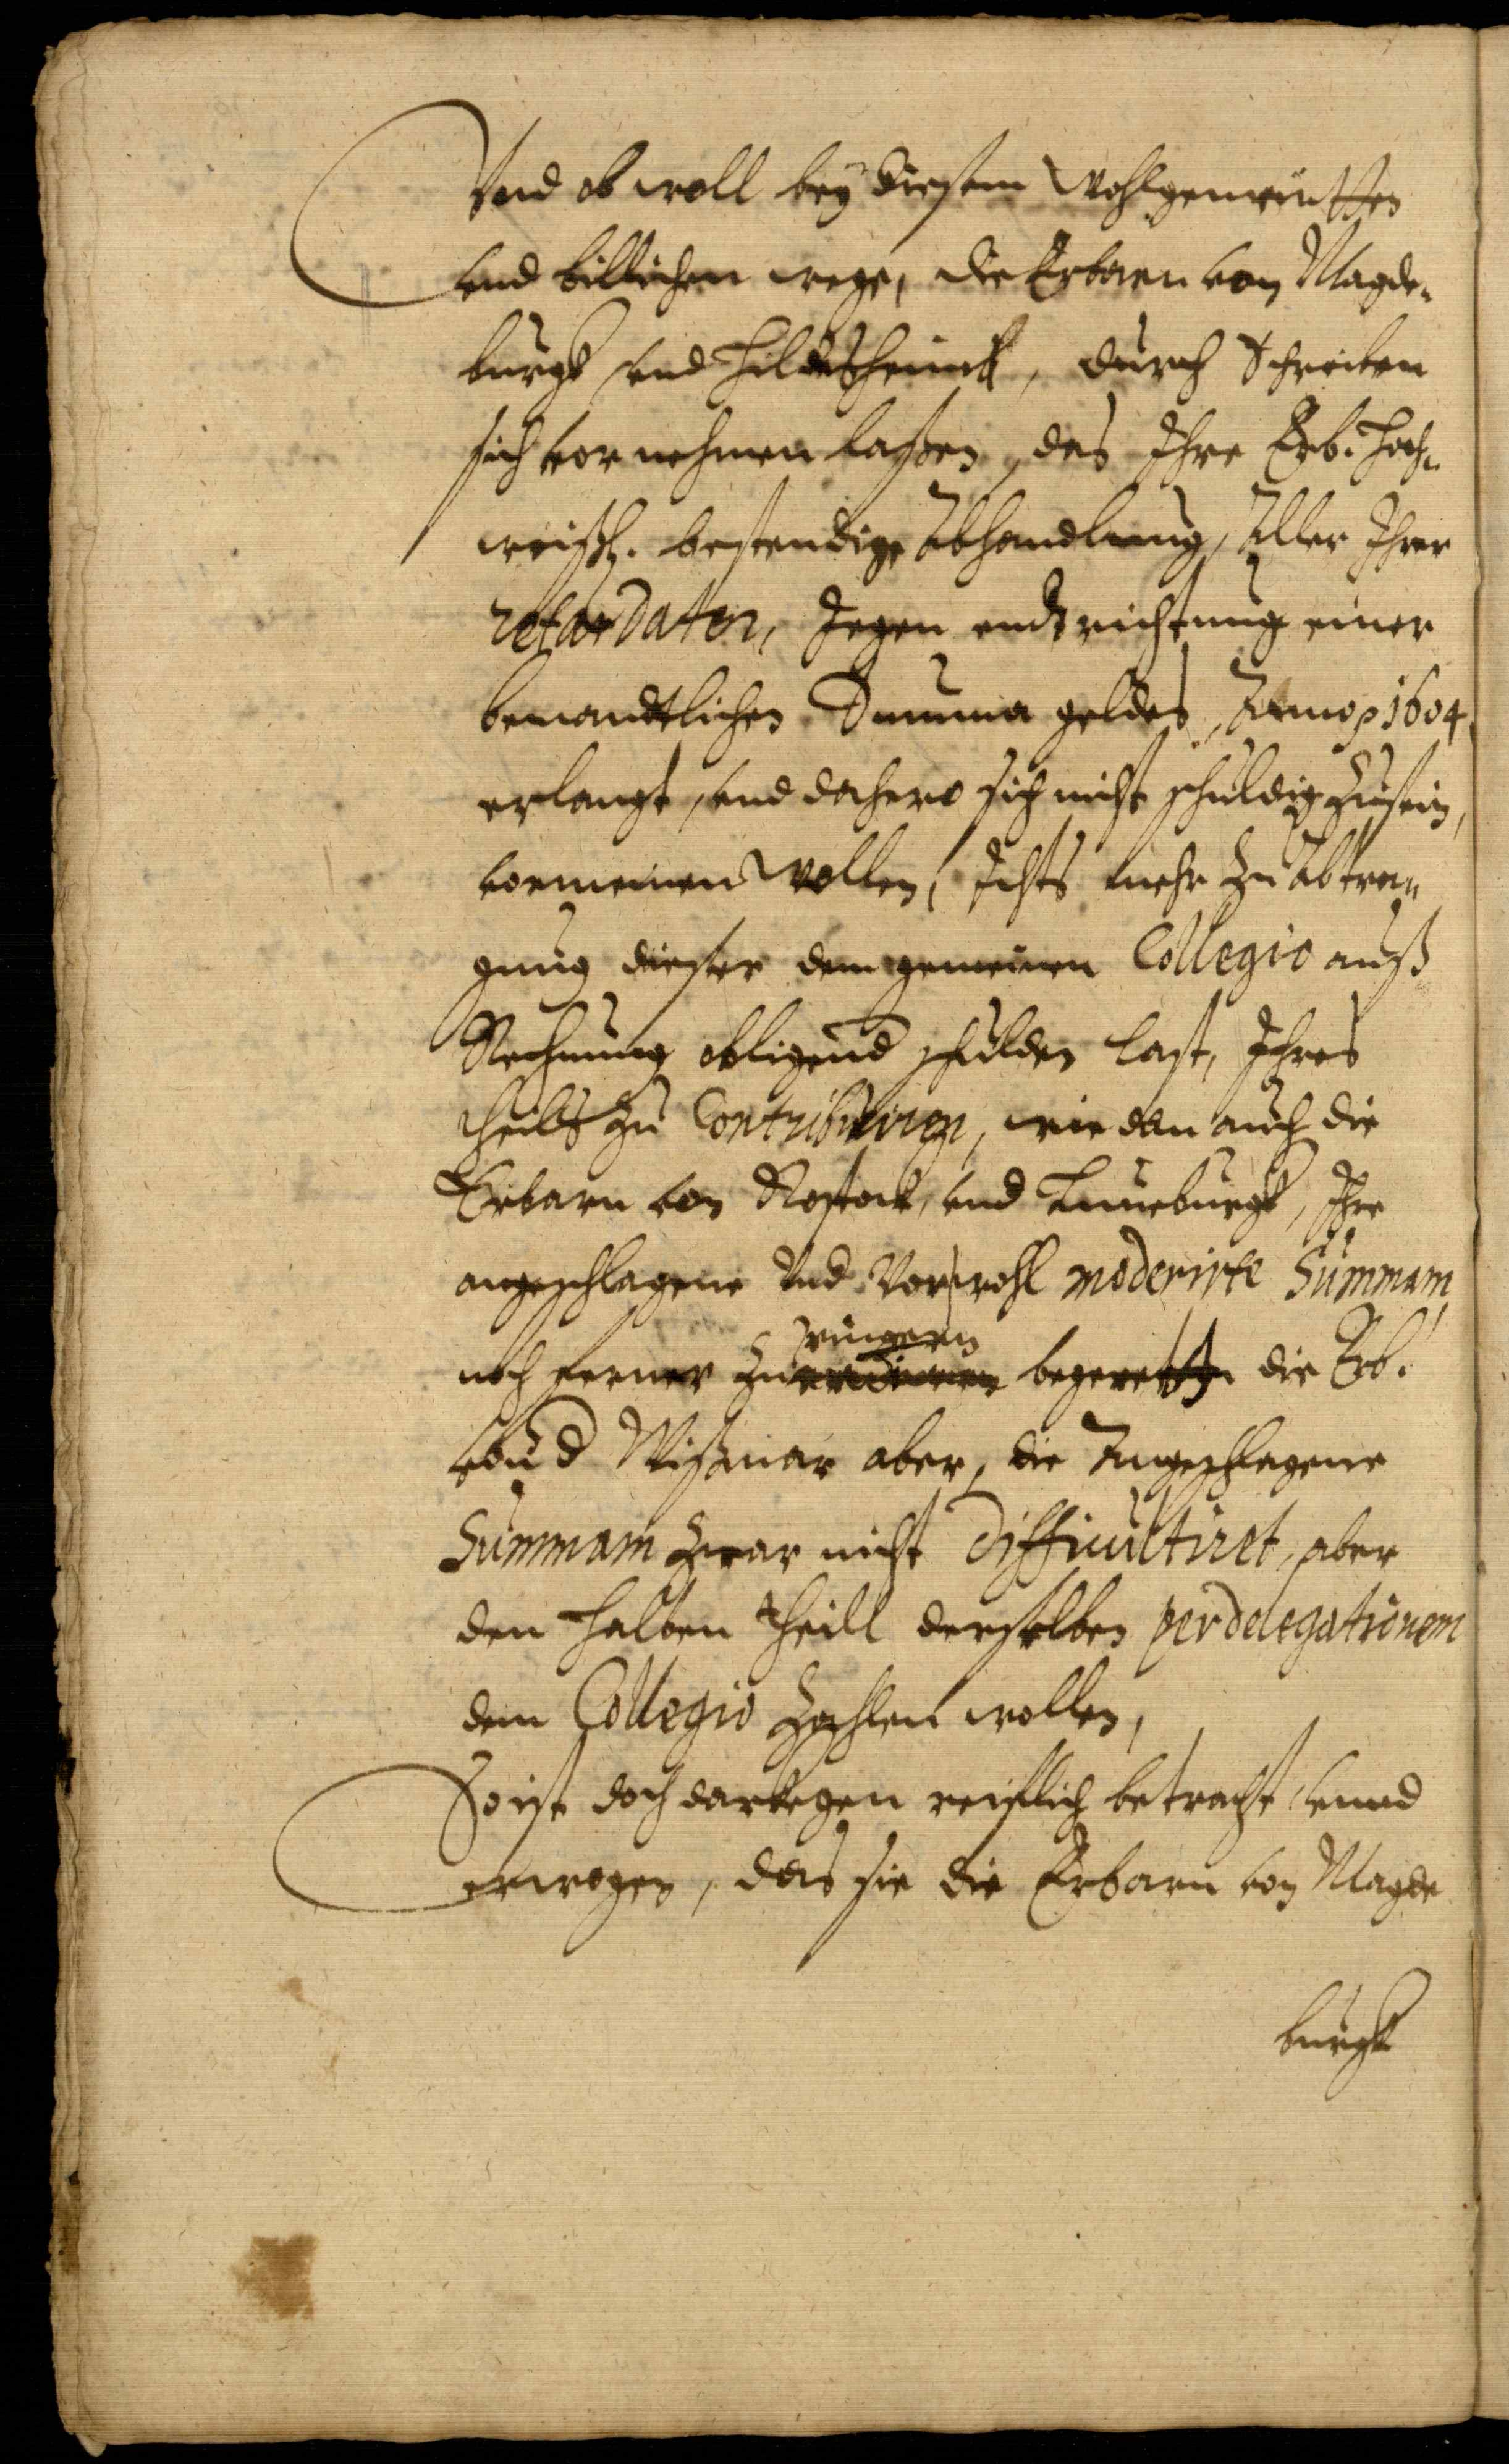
Vnd ob woll beij diesem wohlgemeinten
vnd billichen wege, die Erbarn von Magde¬
burgk vnd Hildesheimb, durch Schreiben
sich vornehmen lassen, das Ihre Erb. hoch¬
weißl. bestendige Abhandlung, aller Ihrer
retardaten, Jegen endtrichtung einer
benandtlichen Summe geldes, Anno p 1604,
erlangt, vnd dahero sich nicht schuldig zusein,
vormeinen wollen, Ichts mehr zu abtra¬
gung dieser dem gemeinem Collegio auß
Rechnung obligend schulden last, Ihres
theils zu Contriburiren, wie dan auch die
Erbarn von Rostock, vnd Luneburgk, Ihr
angeschlagene vnd vor wohl moderirte Summam
noch ferner zuverdienenringern begerett die Erb.
von der Wißmar aber, die Angeschlagene
Summam zwar nicht difficultiret, aber
den halben theill derselben per delegationem
dem Collegio zahlen wollen,
So ist doch darkegen reiflich betracht, vnnd
erwogen, das sie die Erbrn von Magde
burgk
